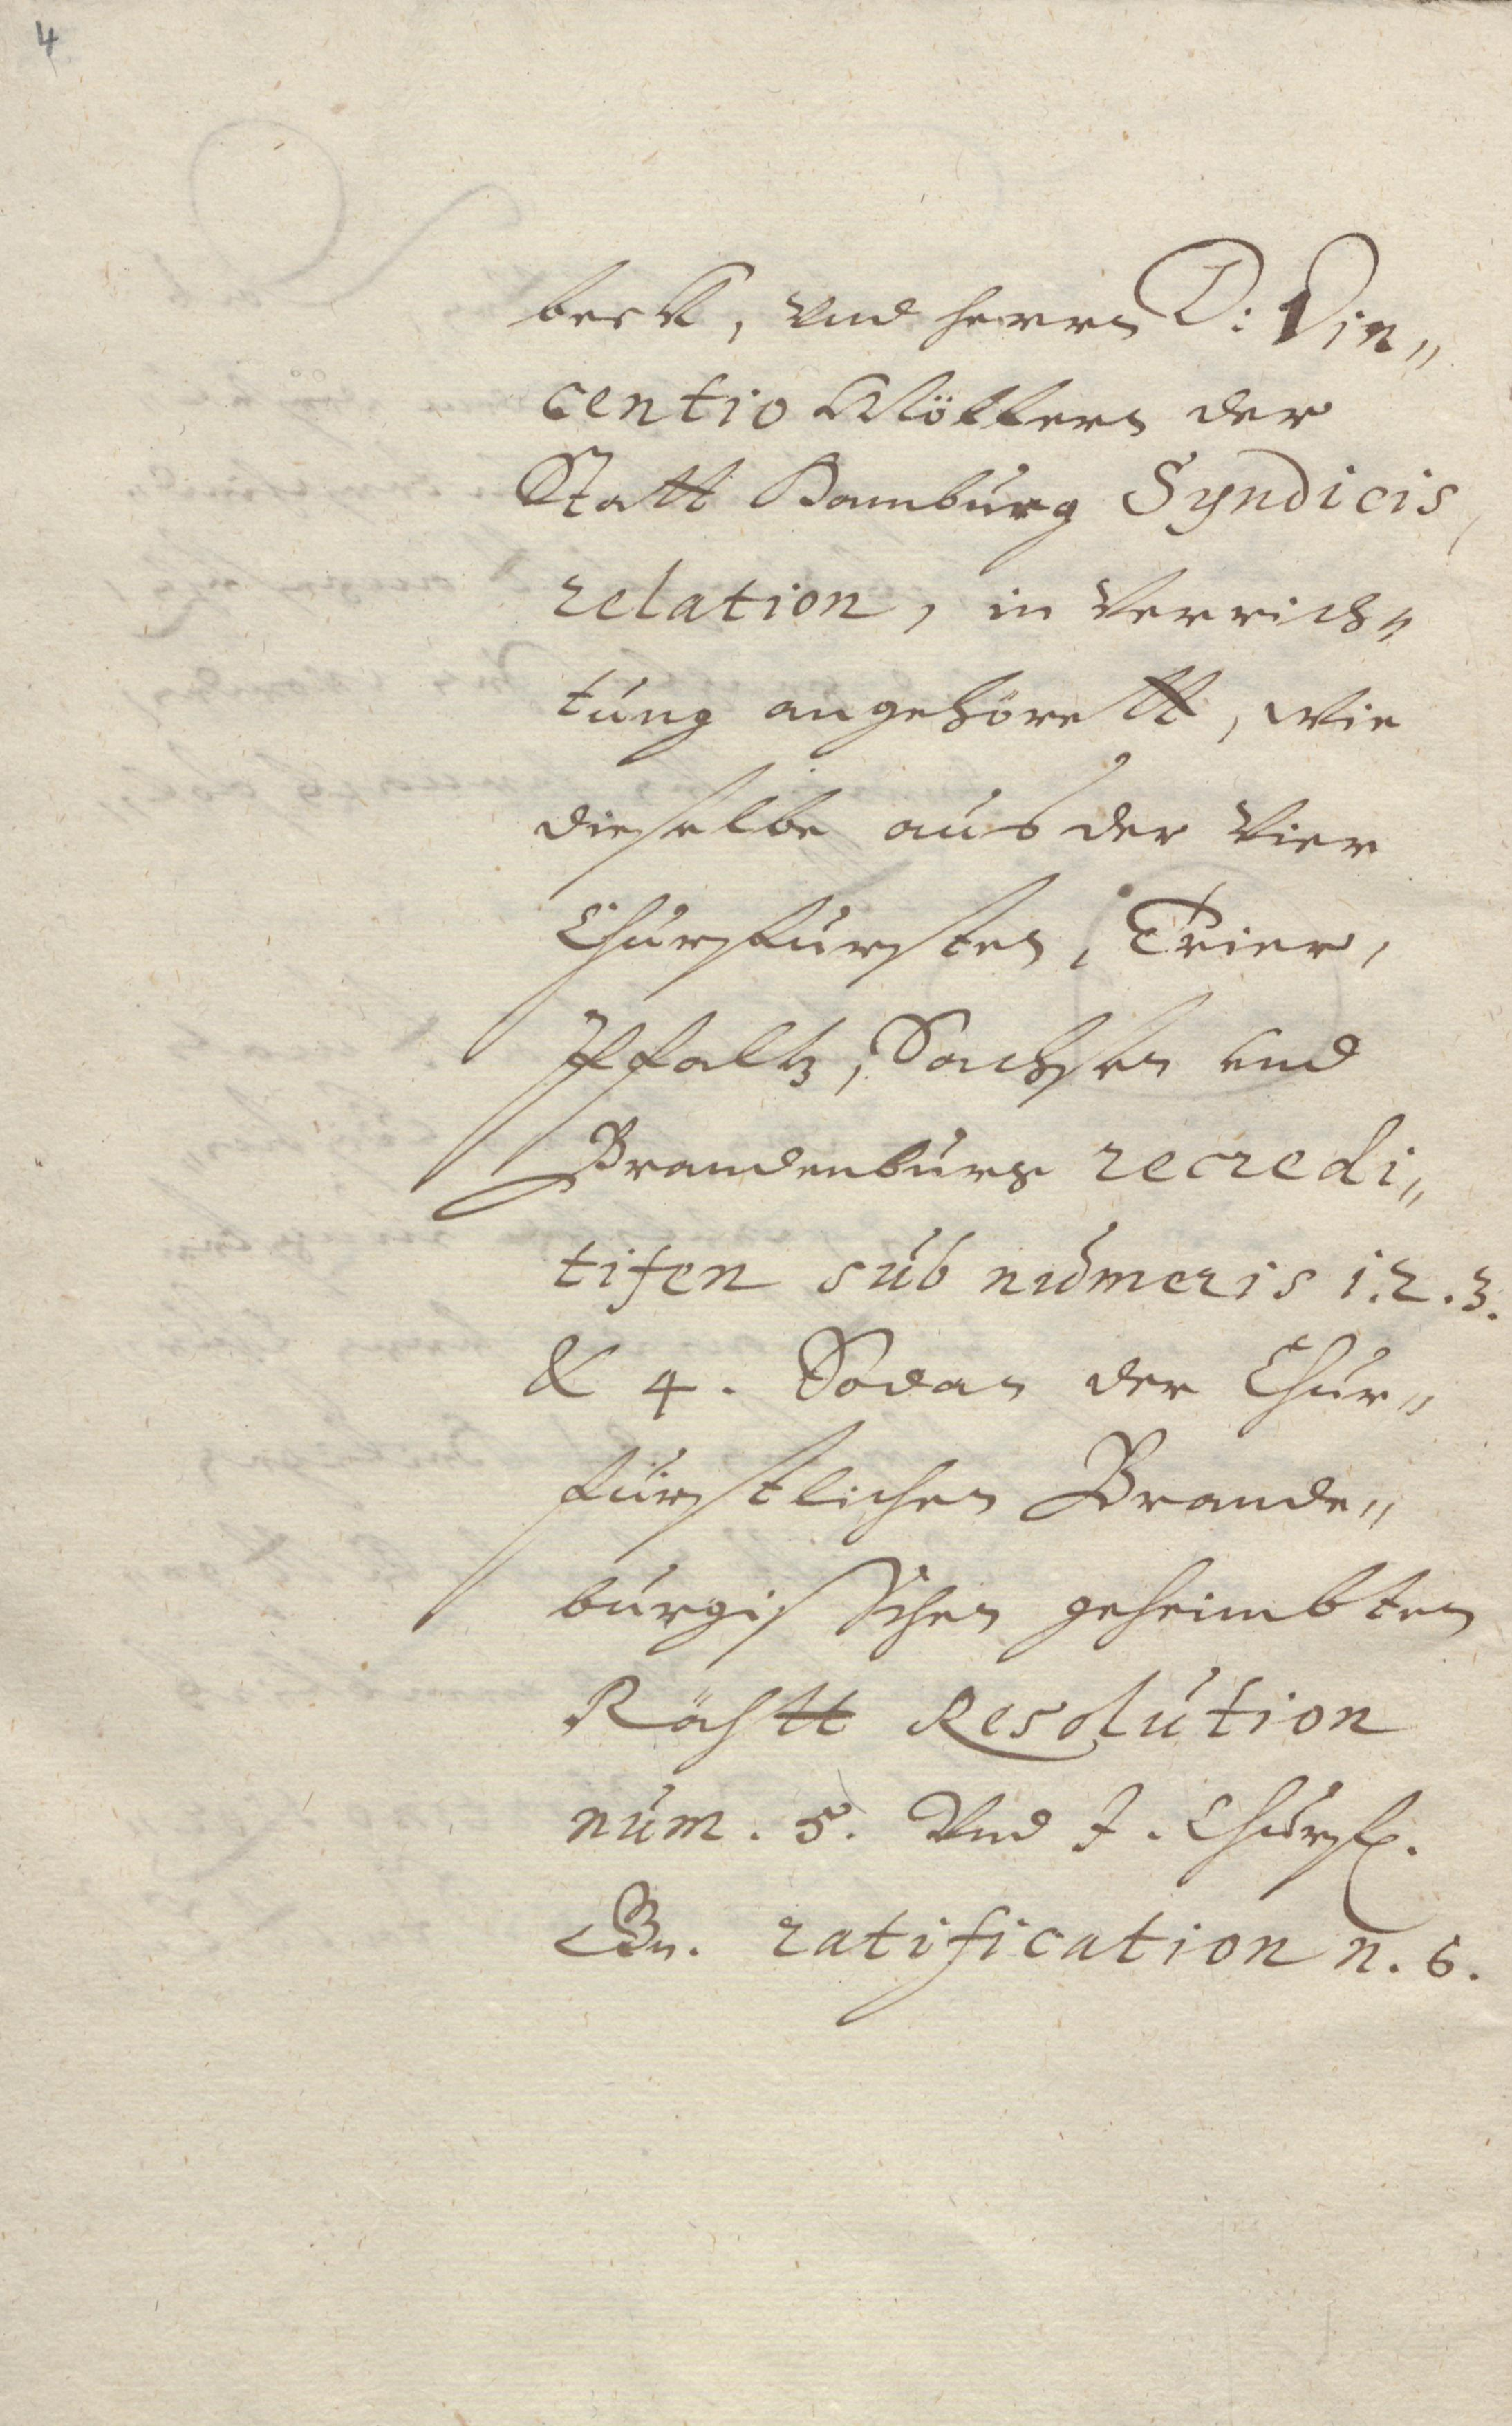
beck, vnd herrn D. Vin¬
centio Möllern der
Statt Hamburg Syndicis,
relation, in Verrich¬
tung angehörett, wie
dieselbe aus der Vier
Churfursten, Trier,
Pfaltz, Sachsen vnd
Brandenburg recredi¬
tifen sub numeris 1.2.3.
& 4. Sodan der Chur¬
fürstlichen Brande¬
burgisschen geheimbten
Rähtt Resolution
num. 5. vnd I. Churfl.
Gn. ratification n. 6.
